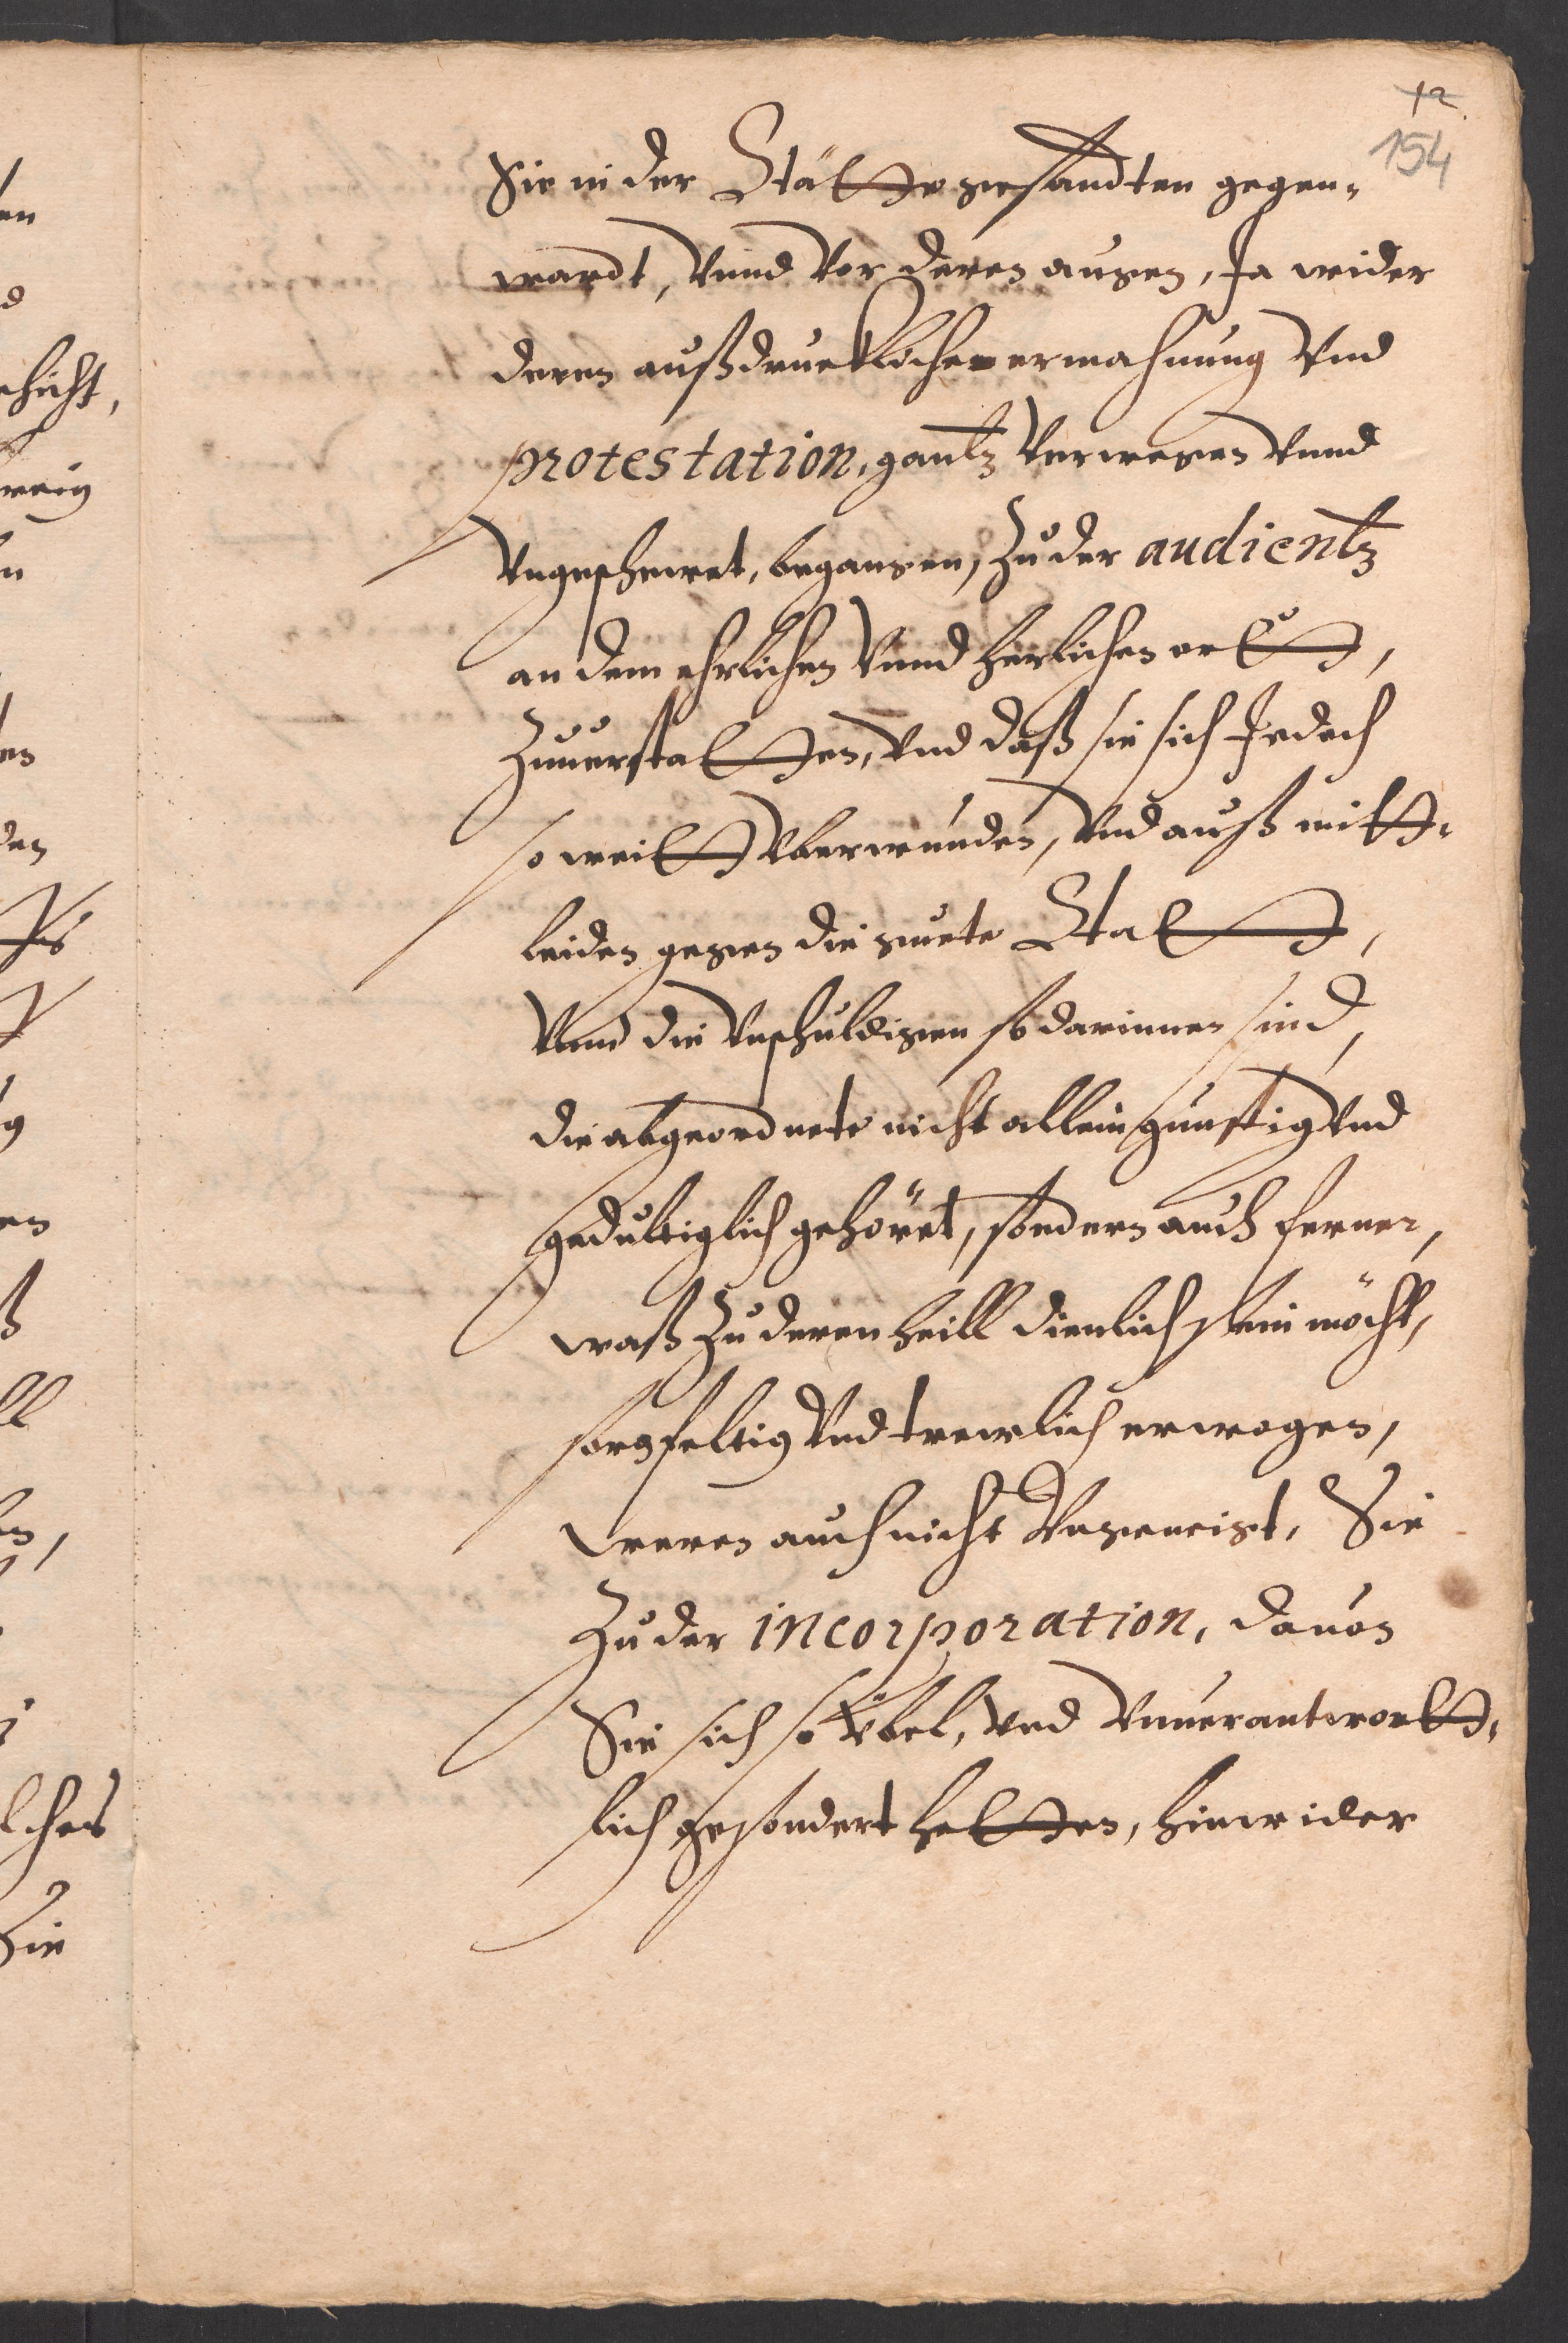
12
Sie in der Stätte gesandten gegen¬
wardt, vnnd vor deren augen, Ja wider
deren außdrucklichen ermahnung vnd
protestation, gantz verwegwn vnnd
vngeschewet, begangen, zu der audientz
an dem ehrlichen vnnd herlichen ortt,
zuuerstatten, vnd daß sie sich Jedoch
so weitt vberwunden, vnd auß mitt¬
leiden gegen die guete Statt,
vnnd die vnschuldigen so darinnen sind,
die abgeordnete nicht allein gunstig vnd
gedultiglich gehöret,sondern auch ferner,
waß zu deren heill dienlich sein möcht,
sorgfeltig vnd trewlich erwogen,
weren auch nicht vngeneigt, Sie
zu der incorporation, dauon
Sie sich so übel, vnd vnuerantwortt¬
lich gesondert hetten, hinwider
